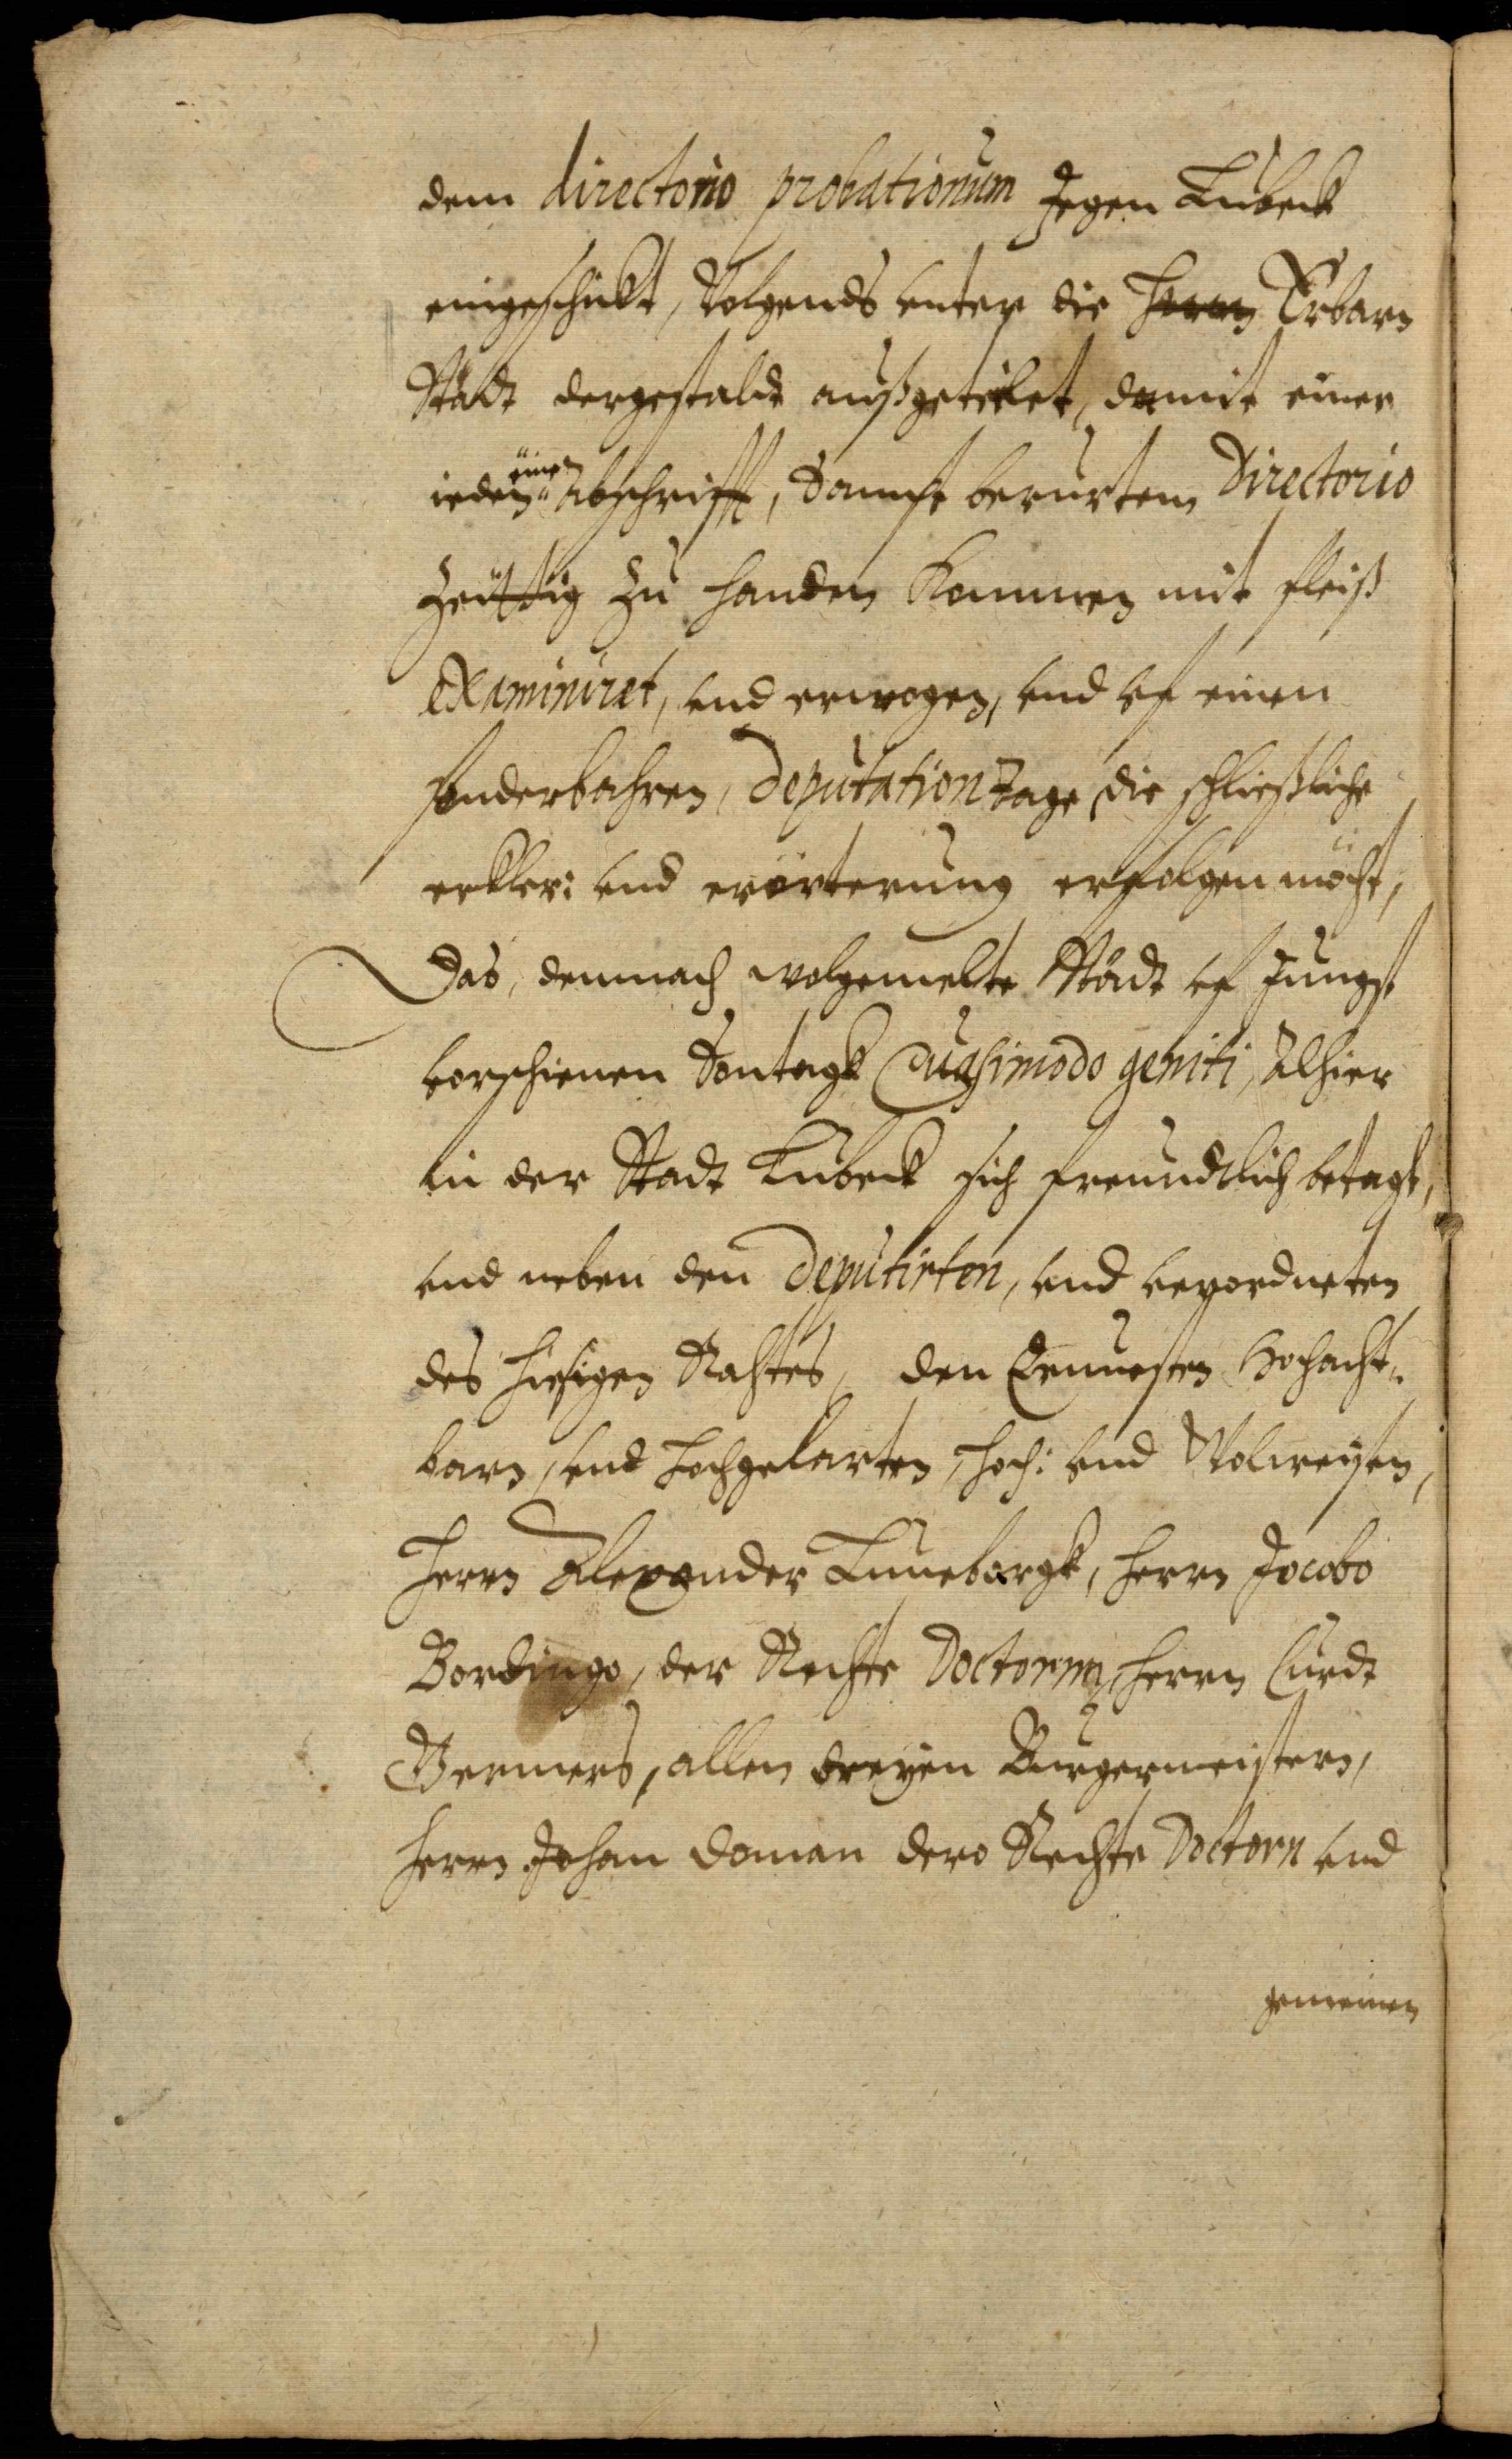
dem directorio probatiorium Jegen Lubeck
eingeschickt, volgends vnter die Herren Erbarn
Städt dergestaldt außgeteilet, damit einer
ieden einen Abschrifft, sonnst berurten Directorio
zeittig zu handen kommen mit fleiß
examiniret, vnd erwogen, vnd vf einen
sonderbahren, deputationstage die schließliche
erkler: vnd erörterung erfolgen möcht,
das demnach wolgemelte Städt vf jungst
verschienen Sontagk Quasimodo geniti, alhier
in der Stadt Lubeck sich freundtlich betagt,
vnd neben den Deputirten, vnd verordneten
des hiesigen Rathes, den Ernuesten hochacht¬
bern, vnd hochgelarten, hoch: vnd Wolweijsen,
Herrn Alexander Luneborgk, herrn Jacobo
Bordingo, der Rechte Doctornn, herrn Curdt
Germers, allen dreijen Burgermeistern,
herrn Johan Doman dero Rechten Doctorn vnd
gemeinen
